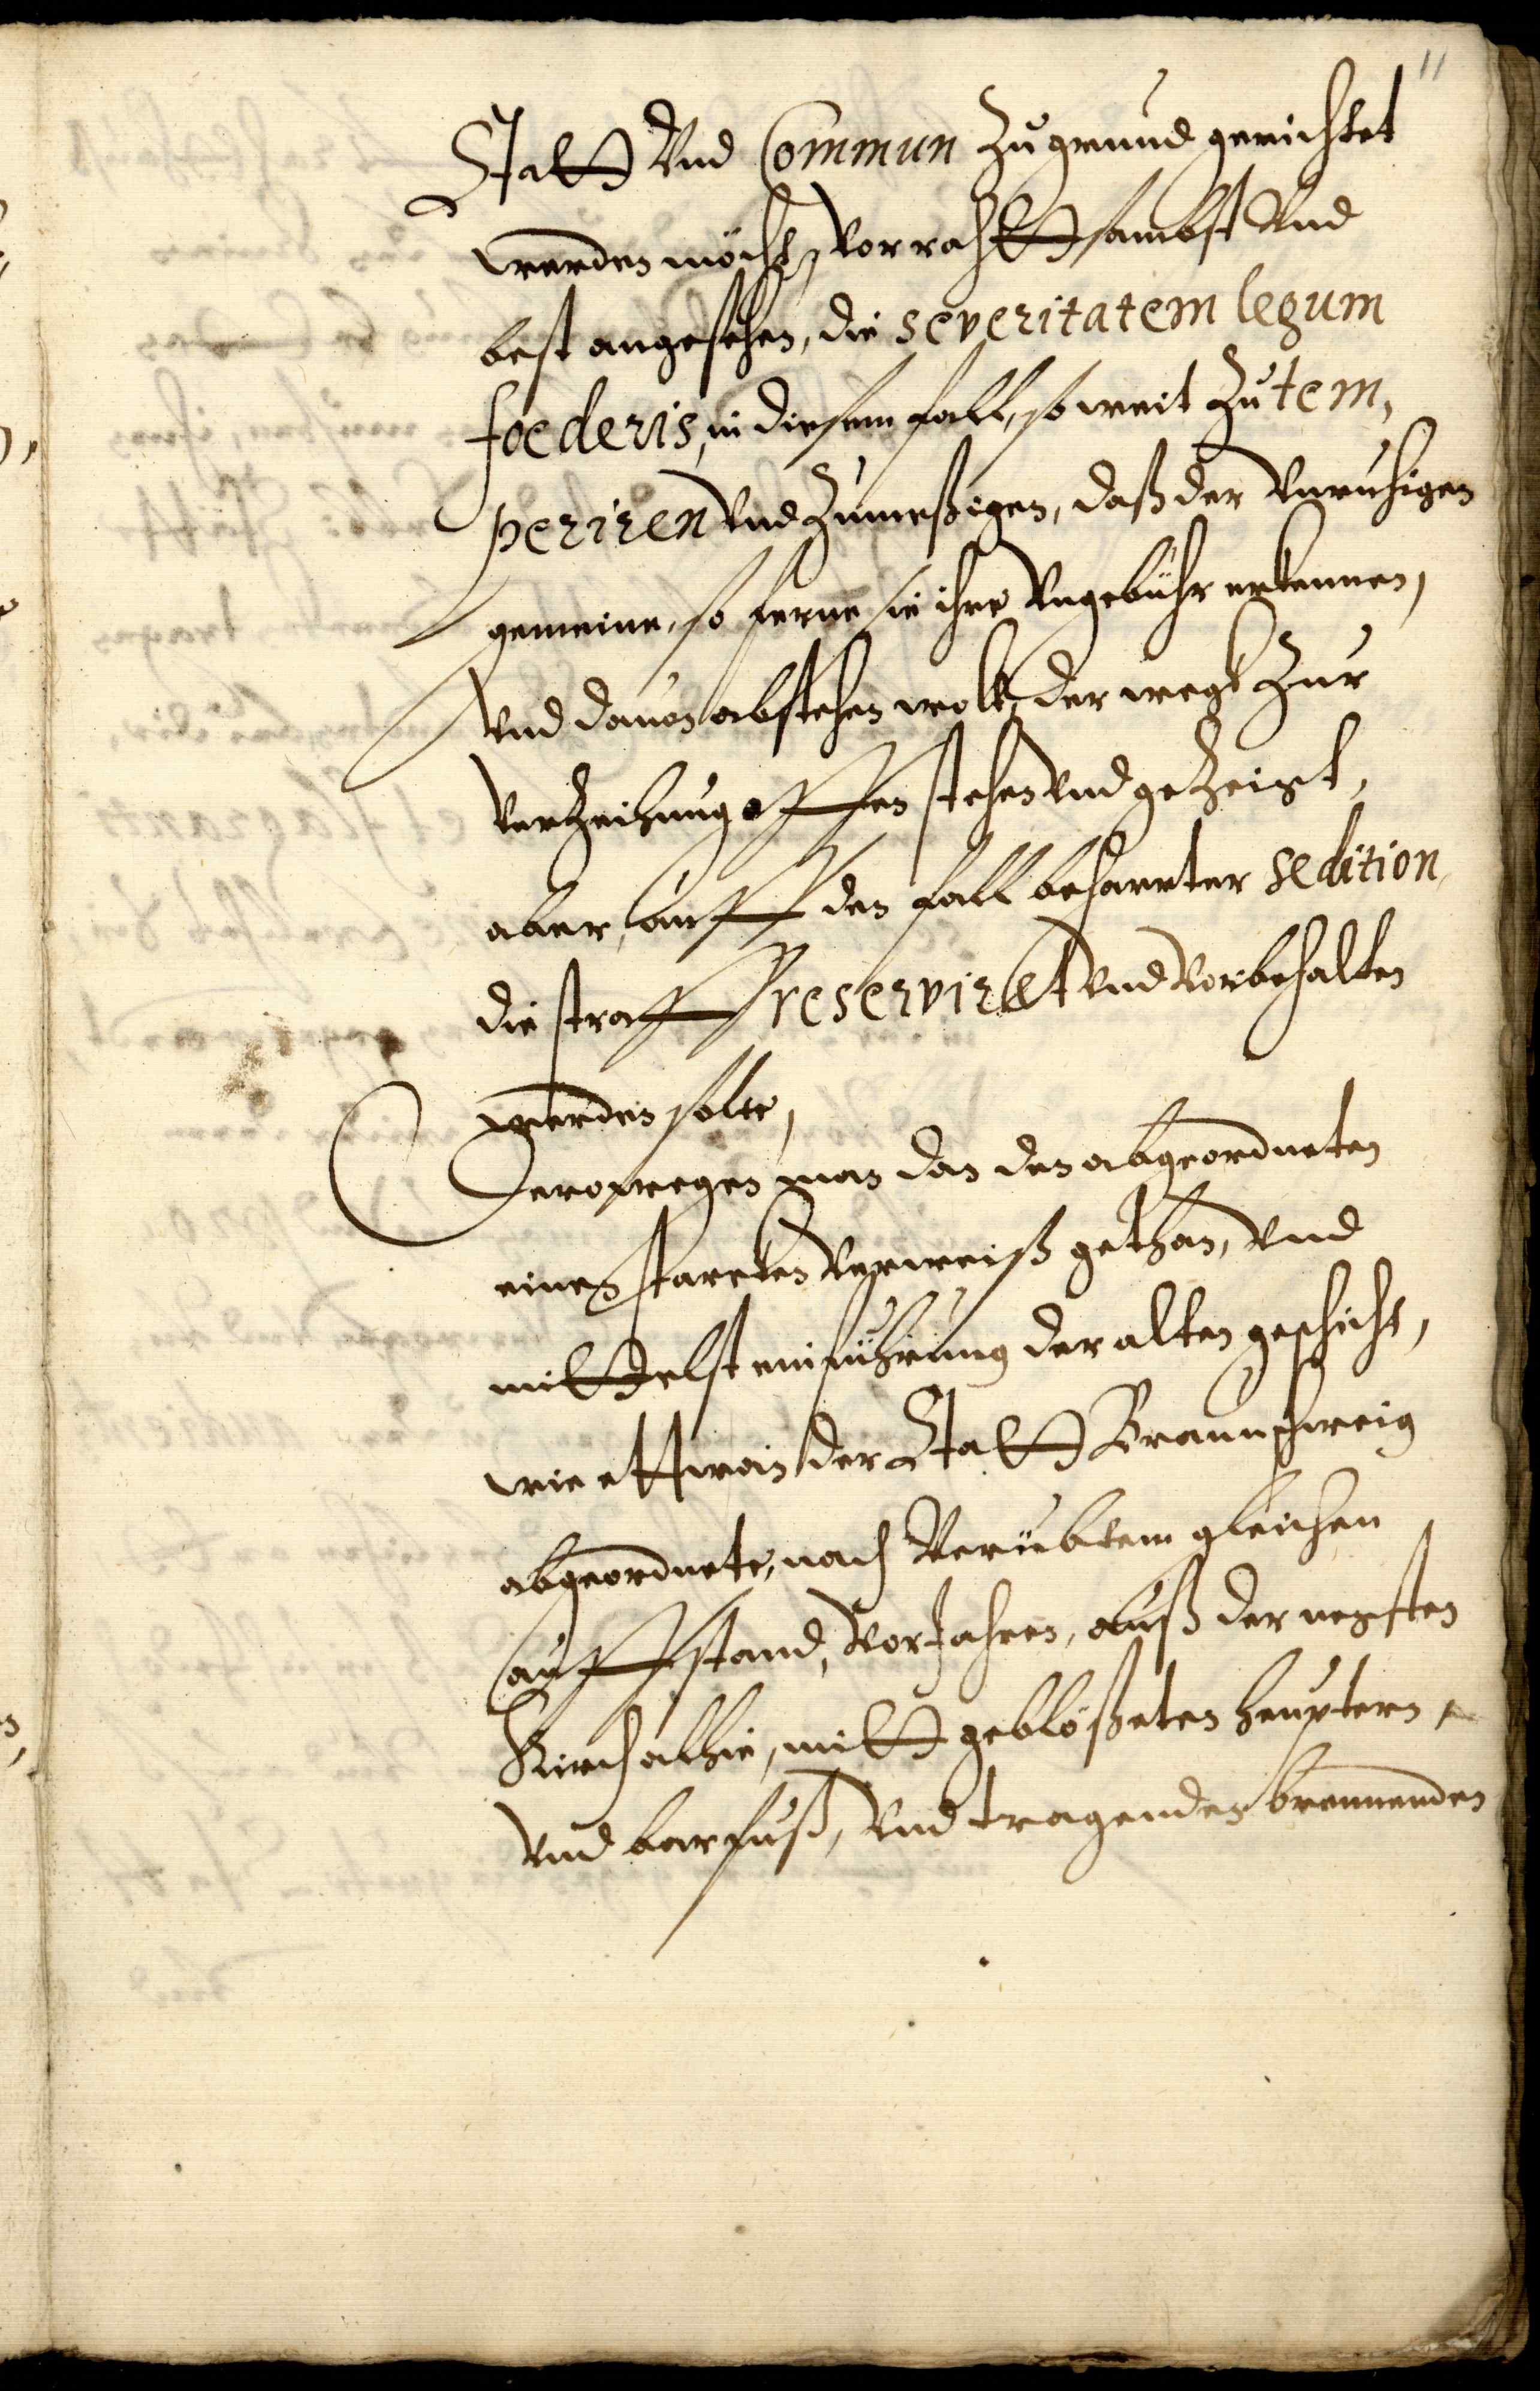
Statt Vnd Commun zu grund gerichtet
werden möcht, Vor rahttsambst Vnd
best angesehen, die severitatem legum
foederis in diesem fall, so weit zu tem,
periren Vnd zumeßigen, daß der Vnruhigen
gemeine, so fern sie ihre Vngebühr erkennen,
Vnd dauon abstehen wolt, der wegk zur
Verzeihung offen stehen Vnd gezeigt,
aber auff den fall beharrter sedition
die straff reserviret Vnd Vorbehalten
werden solte,
Derowegen man dan den abgeordneten
einen starcken Verweiß gethan, Vnd
mittelst einführung der alten geschicht,
wie ettwan der Statt Braunschweig
abgeordnete, nach Verübtem gleichen
auffstand, Vor Jahren, auß der negsten
Kirch alhie, mitt geblößeten heuptern,
Vnd barfuß, Vnd tragenden brennenden
